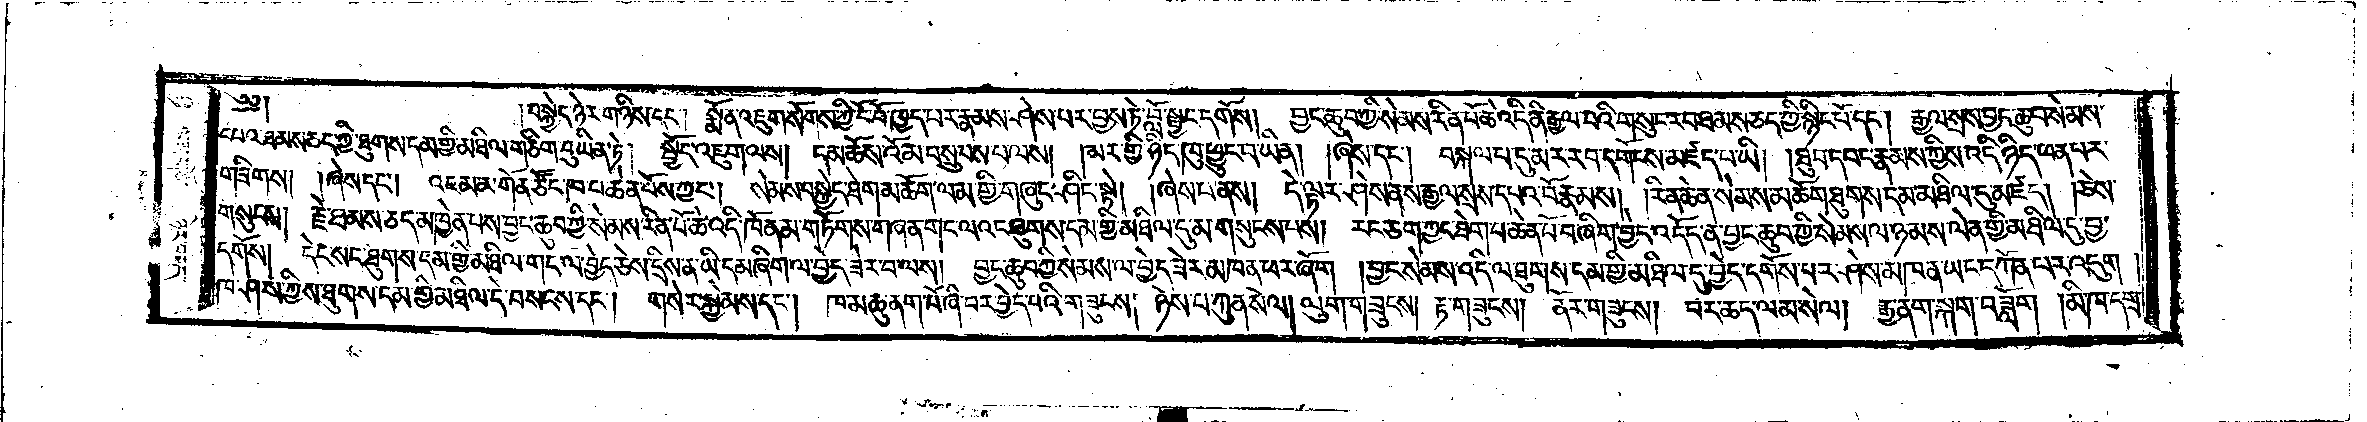༄༅། །བསྐྱེད་ཉེར་གཉིས་དང་། སྨོན་འཇུག་སོགས་ཀྱི་ངོ་བོ་ཁྱད་པར་རྣམས་ཤེས་པར་བྱས་ཏེ་བློ་སྦྱང་དགོས། བྱང་ཆུབ་ཀྱི་སེམས་རིན་པོ་ཆེ་འདི་ནི་རྒྱལ་བའི་གསུང་རབ་ཐམས་ཅད་ཀྱི་སྙིང་པོ་དང་། རྒྱལ་སྲས་བྱང་ཆུབ་སེམས་
དཔའ་ཐམས་ཅད་ཀྱི་ཐུགས་དམ་གྱི་མཐིལ་གཅིག་པུ་ཡིན་ཏེ། སྤྱོད་འཇུག་ལས། དམ་ཆོས་འོ་མ་བསྲུབས་པ་ལས། །མར་གྱི་ཉིང་ཁུ་ཕྱུང་བ་ཡིན། །ཞེས་དང་། བསྐལ་པ་དུ་མར་རབ་དགོངས་མཛད་པ་ཡི། །ཐུབ་དབང་རྣམས་ཀྱིས་འདི་ཉིད་ཕན་པར་
གཟིགས། །ཞེས་དང་། འཇམ་མགོན་ཙོང་ཁ་པ་ཆེན་པོས་ཀྱང་། སེམས་བསྐྱེད་ཐེག་མཆོག་ལམ་གྱི་གཞུང་ཤིང་སྟེ། །ཞེས་པ་ནས། དེ་ལྟར་ཤེས་ནས་རྒྱལ་སྲས་དཔའ་བོ་རྣམས། །རིན་ཆེན་སེམས་མཆོག་ཐུགས་དམ་མཐིལ་དུ་མཛད། །ཅེས་
གསུངས། རྗེ་ཐམས་ཅད་མཁྱེན་པས་བྱང་ཆུབ་ཀྱི་སེམས་རིན་པོ་ཆེ་འདི་ཁོ་ན་མ་གཏོགས་གཞན་གང་ལའང་ཐུགས་དམ་གྱི་མཐིལ་དུ་མ་གསུངས་པས། རང་ཅག་ཀྱང་ཐེག་པ་ཆེན་པོ་བ་ཞིག་བྱེད་འདོད་ན་བྱང་ཆུབ་ཀྱི་སེམས་ལ་ཉམས་ལེན་གྱི་མཐིལ་དུ་བྱ་
དགོས། དེང་སང་ཐུགས་དམ་གྱི་མཐིལ་གང་ལ་བྱེད་ཅེས་དྲིས་ན་ཡི་དམ་ཞིག་ལ་བྱེད་ཟེར་བ་ལས། བྱང་ཆུབ་ཀྱི་སེམས་ལ་བྱེད་ཟེར་མཁན་ཕར་ཞོག །བྱང་སེམས་འདི་ལ་ཐུགས་དམ་གྱི་མཐིལ་དུ་བྱེད་དགོས་པར་ཤེས་མཁན་ཡང་དཀོན་པར་འདུག །
ཁ་ཤས་ཀྱིས་ཐུགས་དམ་གྱི་མཐིལ་དེ་བསངས་དང་། གསེར་སྐྱེམས་དང་། ཁ་མཆུ་ནག་པོ་ཞི་བར་བྱེད་པའི་གཟུངས། ཉེས་པ་ཀུན་སེལ། ལུག་གཟུངས། རྟ་གཟུངས། ནོར་གཟུངས། བར་ཆད་ལམ་སེལ། རྒྱ་ནག་སྐག་བཟློག །མི་ཁ་དགྲ་